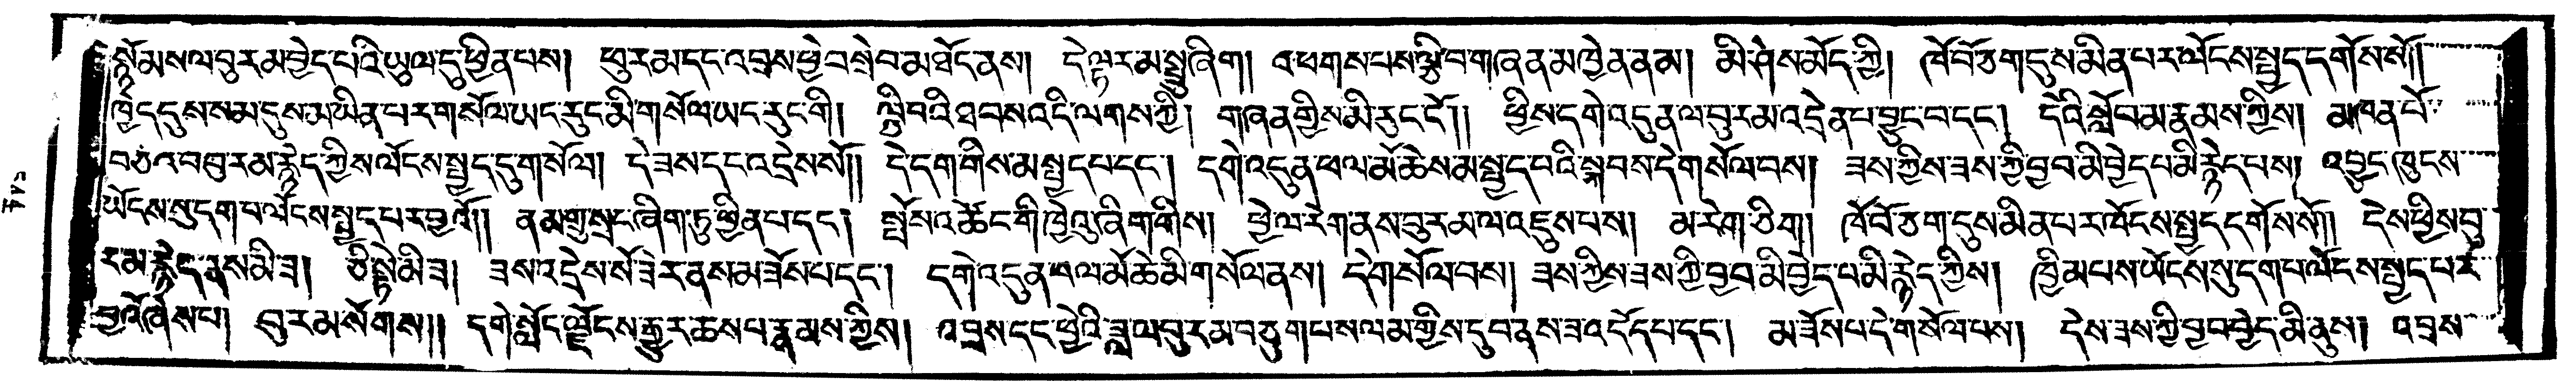སྙོམས་ལ་བུར་མ་བྱེད་པའི་ཡུལ་དུ་ཕྱིན་པས། ཕུ་རམ་དང་འབྲས་ཕྱེ་བསྲེ་བ་མཐོང་ནས། དེ་ལྟར་མ་སྤྲུ་ཞིག། འཕགས་པས་ལྕི་བ་གཞན་མཁྱེན་ནམ། མི་ཤེས་མོད་ཀྱི། ཁོ་བོ་ཅག་དུས་མིན་པར་ལོངས་སྤྱད་དགོས་སོ།།
ཁྱེད་དུས་སམ་དུས་མ་ཡིན་པར་གསོལ་ཡང་རུང་མི་གསོལ་ཡང་རུང་གི། ལྕི་བའི་ཐབས་འདི་ལགས་ཀྱི། གཞན་གྱིས་མི་རུང་ངོ།། ཕྱིས་དགེ་འདུན་ལ་བུ་རམ་འདྲེན་པ་བྱུང་བ་དང་། དེའི་སློབ་མ་རྣམས་ཀྱིས། མཁན་པོ་
བཅའ་བ་བུ་རམ་རྙེད་ཀྱིས་ལོངས་སྤྱད་དུ་གསོལ། དེ་ཟས་དང་འདྲེས་སོ།། དེ་དག་གིས་མ་སྤྱད་པ་དང་། དགེ་འདུན་ཕལ་མོ་ཆེས་མ་སྤྱད་པའི་སྐབས་དེ་གསོལ་བས། ཟས་ཀྱིས་ཟས་ཀྱི་བྱ་བ་མི་བྱེད་པ་མི་རྙེད་པས། འབྱུང་ཁུངས་
ཡོངས་སུ་དག་པ་ལོངས་སྤྱད་པར་བྱའོ།། ནམ་གྲུ་སྲང་ཞིག་ཏུ་ཕྱིན་པ་དང་། སྤོས་འཚོང་གི་ཁྱེའུ་ཞིག་གིས། ཕྱེ་ལ་རེག་ནས་བུ་རམ་ལ་འཇུས་པས། མ་རེག་ཅིག། ཁོ་བོ་ཅག་དུས་མིན་པར་ཁོངས་སྤྱད་དགོས་སོ།། དེས་ཕྱིས་བུ་
ར་མ་རྙེད་ནས་མི་ཟ། ཅི་སྟེ་མི་ཟ། ཟས་འདྲེས་སོ་ཟེར་ནས་མ་ཟོས་པ་དང་། དགེ་འདུན་ཕལ་མོ་ཆེ་མི་གསོལ་ནས། དེ་གསོལ་བས། ཟས་ཀྱིས་ཟས་ཀྱི་བྱ་བ་མི་བྱེད་པ་མི་རྙེད་ཀྱིས། ཁྱིམ་པས་ཡོངས་སུ་དག་པ་ལོངས་སྤྱད་པར་
བྱའོ་ཞེས་པ། བུ་རམ་སོགས།། དགེ་སློང་ལྗོངས་རྒྱུར་ཆས་པ་རྣམས་ཀྱིས། འབྲས་དང་ཕྱེའི་ཟླ་ལ་བུ་རམ་བཅུག་པས་ལམ་གྱིས་དུབ་ནས་ཟ་འདོད་པ་དང་། མ་ཟོས་པ་དེ་གསོལ་པས། དེས་ཟས་ཀྱི་བྱ་བ་བྱེད་མི་ནུས། འབྲས་